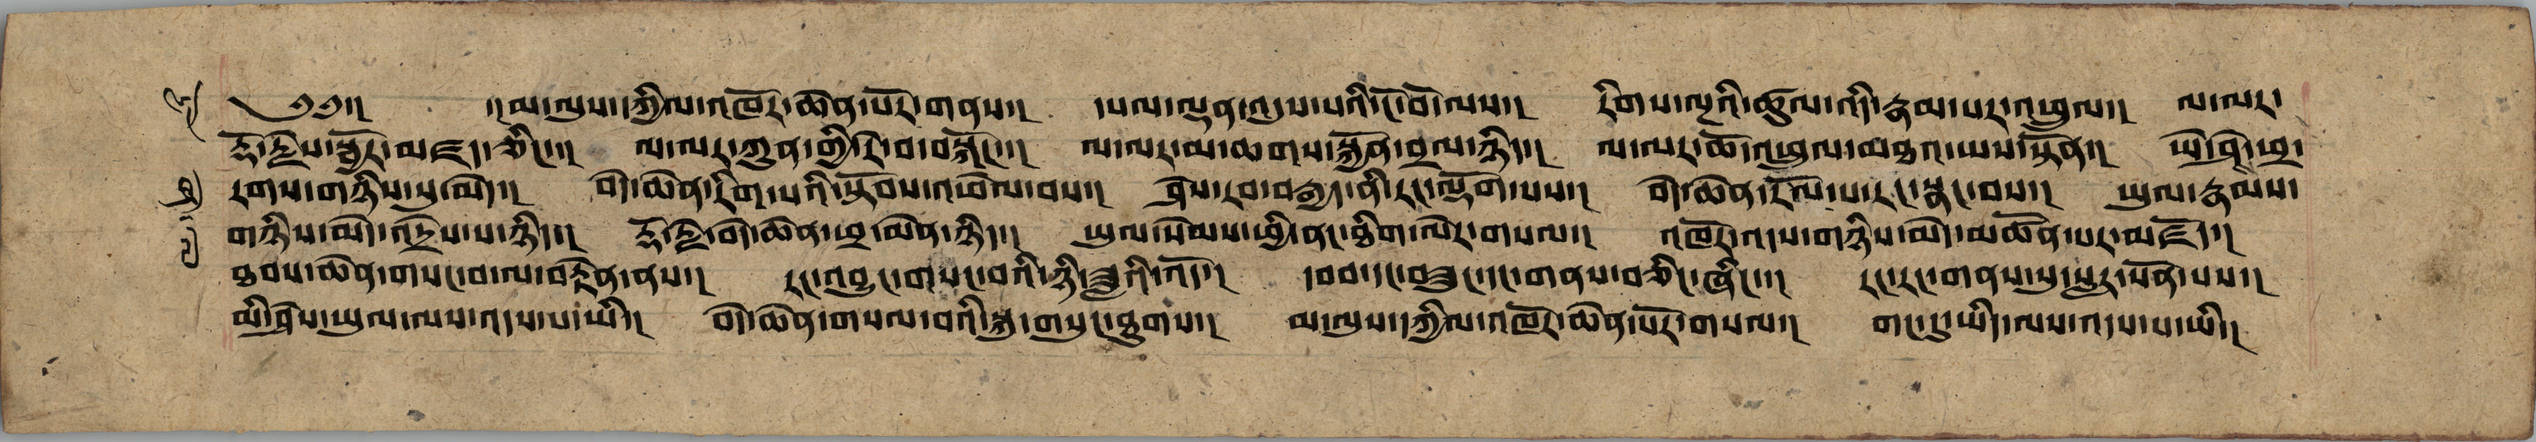༄༅་། ་།མ་ལུས་དཀྱིལའཁོར་ཆེན་པོར་གནས་། དཔལ་ལྡན་འདུས་པའི་ངོ་བོ་ལས་། རིགས་ལྔའི་ཚུལ་འདི་རྣམ་པར་འཕྲུལ་། ལ་ལར་
རྡོ་རྗེས་སྦྱོར་མཛད་ཅིང་་། ལ་ལར་ཀུན་གྱི་རེ་བ་བསྐོང་་། ལ་ལར་མ་ཆགས་སྐྱོན་བྲལ་ཉིད་། ལ་ལར་ཆོ་འཕྲུལ་མཐའ་ཡས་སྟོན་། ཡེ་ཤེས་ཕྲ་
རགས་གཉིས་སུ་མེད་། བདེ་ཆེན་རིགས་པའི་སྟོབས་འཕེལ་བས་། ཤེས་རབ་བརྒྱད་ནི་རང་ལྡོག་པས་། བདེ་ཆེན་རོལ་པ་རང་སྣང་བས་། ཡུལ་རྣམས་
གཉིས་མེད་འདྲེས་པ་ཉིད་། རྡོ་རྗེ་བདེ་ཆེན་ཕྲ་མེན་ཉིད་། ཡུལ་སེམས་ཕྱི་ནང་ཐིག་ལེར་གསལ་། འཁོར་འདས་གཉིད་མེད་མཚོན་པར་མཛོད་།
ཐབས་ཆེན་གསང་བ་ལ་བརྟེན་ནས་། རང་འབྱུང་གསང་བའི་ཉི་ཟླའི་འོད་། དབབ་དང་བཟུང་དང་གནས་བཅིང་ཞིང་་། རང་རང་གནས་སུ་སླར་སོན་པས་།
མི་ཤེས་ཡུལ་ལས་འདས་པ་ཡི་། བདེ་ཆེན་གསལ་བའི་སྐུ་གསུང་ཐུགས་། མ་ལུས་དཀྱིལ་འཁོར་ཆེན་པོར་གསལ་། གང་དུ་ཡིད་ལས་འདས་པ་ཡི་།